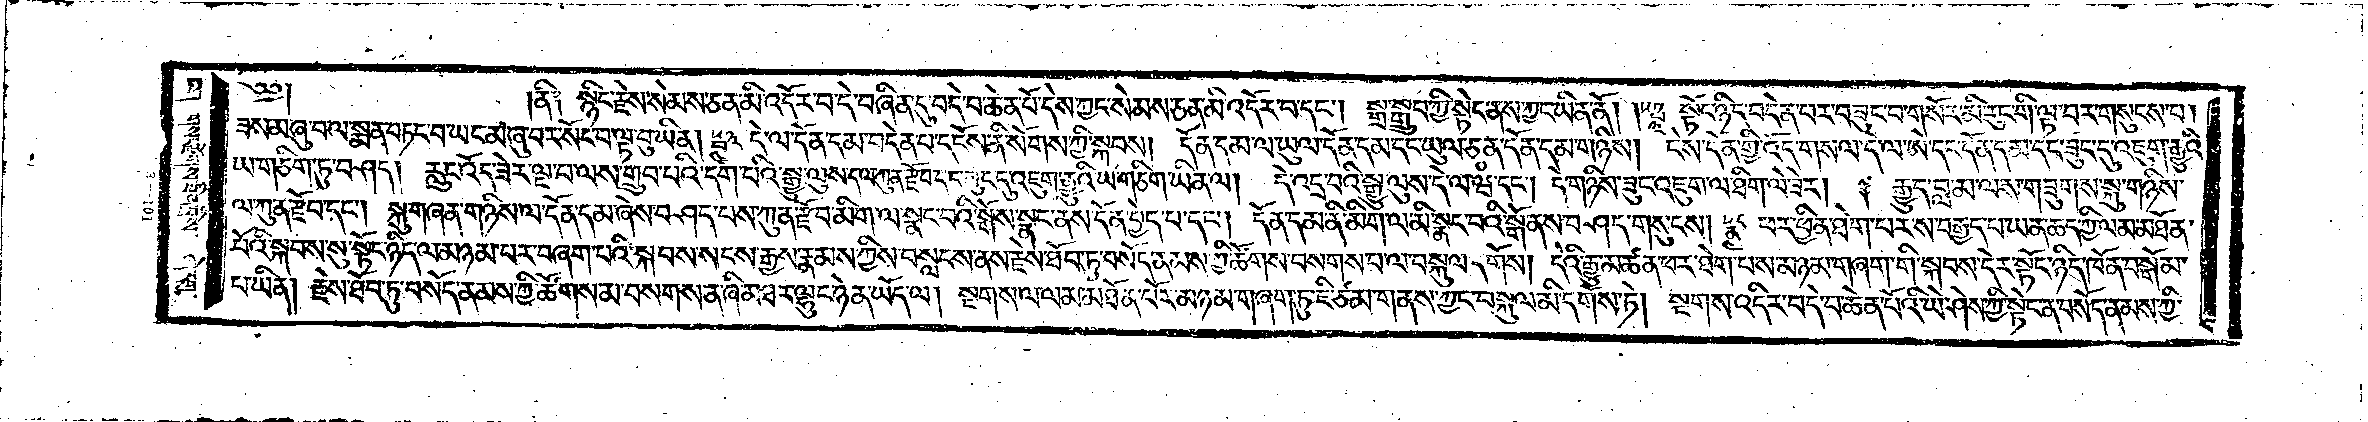༄༅། །ནི༑ སྙིང་རྗེས་སེམས་ཅན་མི་འདོར་བ་དེ་བཞིན་དུ་བདེ་བ་ཆེན་པོ་དེས་ཀྱང་སེམས་ཅན་མི་འདོར་བ་དང་། སྒྲ་སྒྲུབ་ཀྱི་སྟེང་ནས་ཀྱང་ཡིན་ནོ། །༥༢་སྟོང་ཉིད་བདེན་པར་བཟུང་བ་གསོར་མི་རུང་གི་ལྟ་བར་གསུངས་པ།
ཟས་མ་ཞུ་བ་ལ་སྨན་བཏང་བ་ཡང་མ་ཞུ་བར་སོང་བ་ལྟ་བུ་ཡིན། ༥༣་དེ་ལ་དོན་དམ་བདེན་པ་དངོས་ནི་སོགས་ཀྱི་སྐབས། དོན་དམ་ལ་ཡུལ་དོན་དམ་དང་ཡུལ་ཅན་དོན་དམ་གཉིས། ངེས་དོན་གྱི་འོད་གསལ་དེ་ལ་ཨེ་དང་དོན་དམ་དང་ཟུང་དུ་འཇུག་རྒྱུའི་
ཡ་གཅིག་ཏུ་བཤད། རླུང་འོད་ཟེར་ལྔ་པ་ལས་གྲུབ་པའི་དག་པའི་སྒྱུ་ལུས་དལ་ཀུན་རྫོབ་དང་ཟུང་དུ་འཇུག་རྒྱུའི་ཡ་གཅིག་ཡིན་ལ། དེ་འདྲ་བའི་སྒྱུ་ལུས་དེ་ལ་ཝཾ་དང་། དེ་གཉིས་ཟུང་འཇུག་ལ་ཐིག་ལེ་ཟེར། ༈རྒྱུད་བླ་མ་ལས་གཟུགས་སྐུ་གཉིས་
ལ་ཀུན་རྫོབ་དང་། སྐུ་གཞན་གཉིས་ལ་དོན་དམ་ཞེས་བཤད་པས་ཀུན་རྫོབ་མིག་ལ་སྣང་བའི་སོགས་སྣང་ནས་དོན་བྱེད་པ་དང་། དོན་དམ་ནི་མིག་ལ་མི་སྣང་བའི་སྒོ་ནས་བཤད་གསུངས། ༥༤་ཕར་ཕྱིན་ཐེག་པར་ས་བརྒྱད་པ་ཡན་ཆད་ཀྱི་ལམ་མཐོན་
བོའི་སྐབས་སུ་སྟོང་ཉིད་ལ་མཉམ་པར་བཞག་པའི་སྐབས་སངས་རྒྱས་རྣམས་ཀྱིས་བསླངས་ནས་རྗེས་ཐོབ་ཏུ་བསོད་ནམས་ཀྱི་ཚོགས་བསགས་པ་ལ་བསྐུལ་དགོས། དེའི་རྒྱུ་མཚན་ཕར་ཐེག་པས་མཉམ་གཞག་གི་སྐབས་དེར་སྟོང་ཉིད་ཁོ་ན་བསྒོམ་
པ་ཡིན། རྗེས་ཐོབ་ཏུ་བསོད་ནམས་ཀྱི་ཚོགས་མ་བསགས་ན་ཞི་མཐར་ལྷུང་ཉིན་ཡོད་ལ། སྔགས་ལ་ལམ་མཐོན་པོར་མཉམ་གཞག་ཏུ་ཇི་ཙམ་གནས་ཀྱང་བསྐུལ་མི་དགོས་ཏེ། སྔགས་འདིར་བདེ་བ་ཆེན་པོའི་ཡེ་ཤེས་ཀྱི་སྟེང་ན་བསོད་ནམས་ཀྱི་